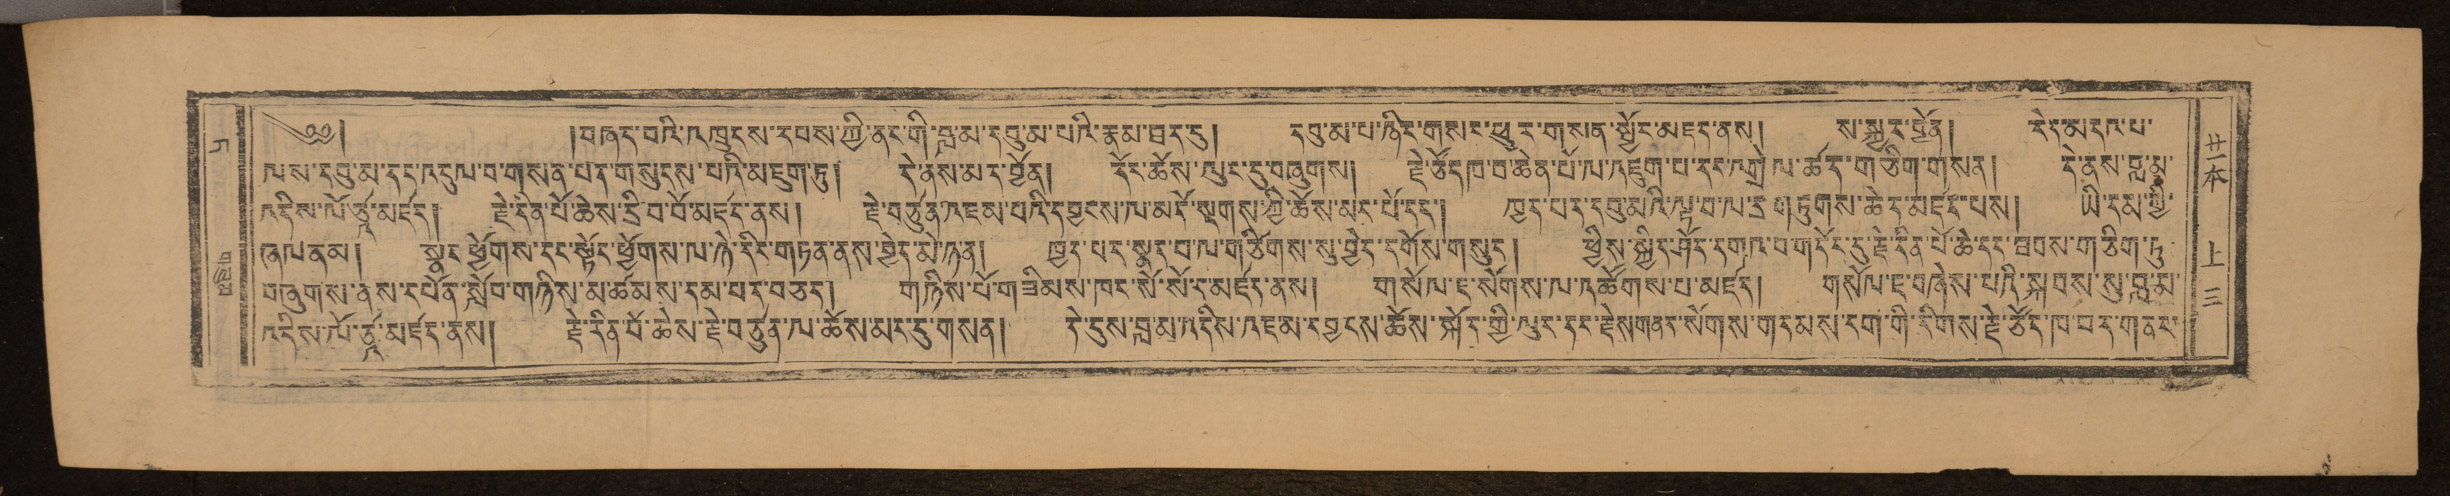༄༅། །བཞང་པའི་འཁྲུངས་རབས་ཀྱི་ནང་གི་བླ་མ་དབུ་མ་པའི་རྣམ་ཐར་དུ། དབུ་མ་བ་ཉིད་གསང་ཕུར་གསན་སྦྱོད་མཛད་ནས། ས་སྐྱར་བྱོན། རེད་མདའ་བ་
ལས་དབུ་མ་དང་འདུལ་བ་གསན་བར་གསུངས་བའི་མཇུག་ཏུ། དེ་ནས་མར་བྱོན། རོང་ཆོས་ལུང་དུ་བཞུགས། །རྗེ་ཙོང་ཁ་པ་ཆེན་པོ་ལ་འཇུག་པ་རང་འགྲེལ་ཚར་གཅིག་གསན། དེ་ནས་བླ་མ་
འདིས་ལོ་ཙཱ་མཛད། རྗེ་རིན་པོ་ཆེས་དྲི་བ་པོ་མཛད་ནས། རྗེ་བཙུན་འཇམ་བའི་དབྱངས་ལ་མདོ་སྔགས་ཀྱི་ཆོས་མང་པོ་དང་། ཁྱད་པར་དབུ་མའི་ལྟ་བ་ལ་དྲི་གཏུགས་ཚར་མཛད་པས། ཡི་དམ་གྱི་
ཞལ་ནས། སྣང་ཕྱོགས་དང་ལྟ་ཕྱོགས་ལ་ཉེ་རིང་གཏན་ནས་བྱེད་མི་ཉན། །ཁྱད་པར་སྣང་བ་ལ་གཙིགས་སུ་བྱེད་དགོས་གསུང་། །ཕྱིས་སྐྱིད་ཤོད་དགའ་བ་གདོང་དུ་རྗེ་རིན་པོ་ཆེ་དང་ཐབས་གཙིགས་
བཞུགས་ནས་དཔོན་སློབ་གཉིས་མཚམས་དམ་པར་བཅད། གཉིས་པོ་གཟིམས་ཁང་སོ་སོར་མཛད་ནས། གསོལ་ཇ་སོགས་ལ་འཚོགས་པ་མཛད། གསོལ་ཇ་བཞེས་པའི་སྐབས་སུ་བླ་མ་
འདིས་ལོ་ཙཱ་མཛད་ནས། །རྗེ་རིན་པོ་ཆེས་རྗེ་བཙུན་ལ་ཆོས་མང་དུ་གསན། དེ་དུས་བླ་མ་འདིས་འཇམ་དབྱངས་ཆོས་སྐོར་གྱི་ལུང་དང་། རྗེས་གནང་སོགས་གདམས་ངག་གི་རིགས་རྗེ་ཙོང་ཁ་པར་གནང་།